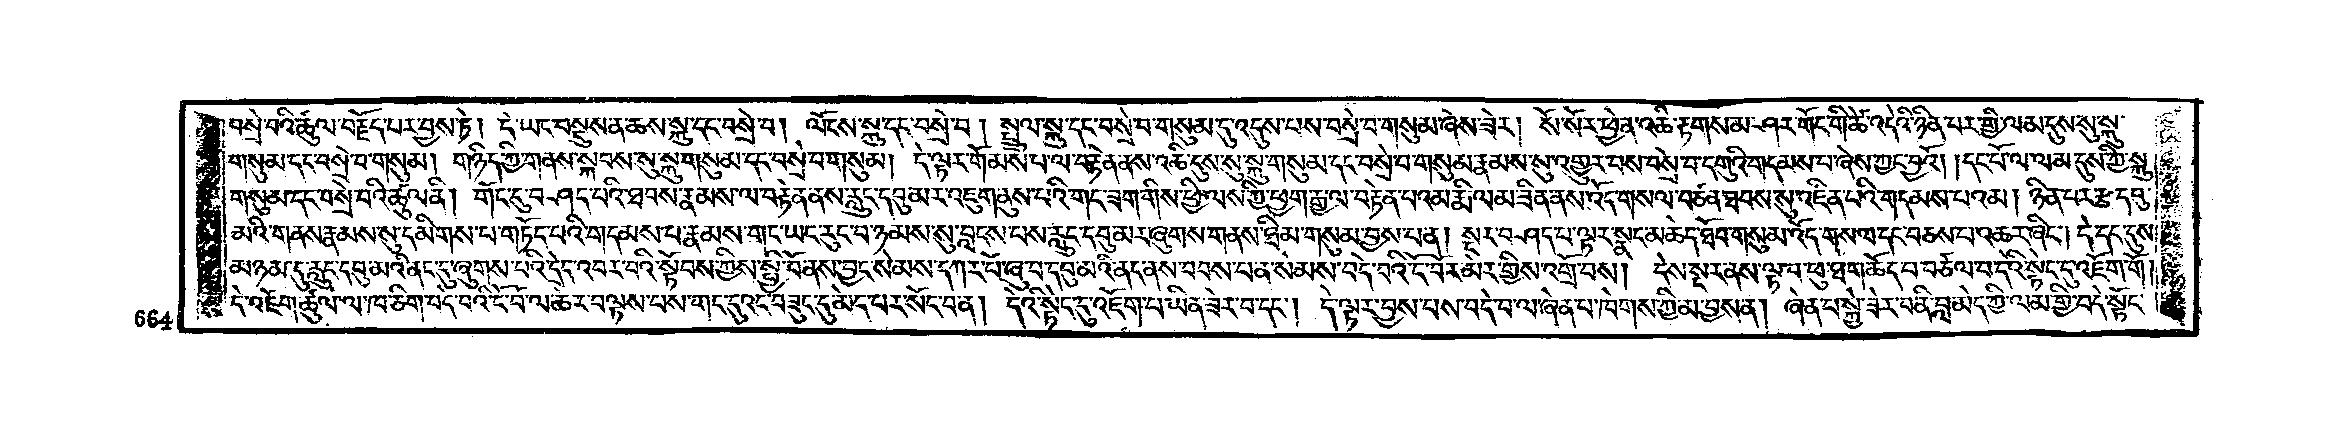བསྲེ་བའི་ཚུལ་བརྗོད་པར་བྱས་ཏེ། དེ་ཡང་བསྡུས་ན་ཆོས་སྐུ་དང་བསྲེ་བ། ལོངས་སྐུ་དང་བསྲེ་བ། སྤྲུལ་སྐུ་དང་བསྲེ་བ་གསུམ་དུ་འདུས་པས་བསྲེ་བ་གསུམ་ཞེས་ཟེར། སོ་སོར་ཕྱེ་ན་འཆི་རྟགས་མ་ཤར་གོང་གི་ཚེ་འདིའི་ཉིན་པར་གྱི་ལམ་དུས་སུ་སྐུ་
གསུམ་དང་བསྲེ་བ་གསུམ། གཉིད་ཀྱི་གནས་སྐབས་སུ་སྐུ་གསུམ་དང་བསྲེ་བ་གསུམ། དེ་ལྟར་གོམས་པ་ལ་བརྟེན་ནས་འཆི་དུས་སུ་སྐུ་གསུམ་དང་བསྲེ་བ་གསུམ་རྣམས་སུ་འགྱུར་བས་བསྲེ་བ་དགུའི་གདམས་པ་ཞེས་ཀྱང་བྱའོ། །དང་པོ་ལ་ལམ་དུས་ཀྱི་སྐུ་
གསུམ་དང་བསྲེ་བའི་ཚུལ་ནི། གོང་དུ་བཤད་པའི་ཐབས་རྣམས་ལ་བརྟེན་ནས་རླུང་དབུ་མར་འཇུག་ནུས་པའི་གང་ཟག་གིས་ཕྱི་ལས་ཀྱི་ཕྱག་རྒྱ་ལ་བརྟེན་པའམ་རྨི་ལམ་ཟིན་ནས་འོད་གསལ་བཙན་ཐབས་སུ་འཛིན་པའི་གདམས་པའམ། ཉིན་པར་རྩ་དབུ་
མའི་གནས་རྣམས་སུ་དམིགས་པ་གཏོད་པའི་གདམས་པ་རྣམས་གང་ཡང་རུང་བ་ཉམས་སུ་བླངས་པས་རླུང་དབུ་མར་ཞུགས་གནས་ཐིམ་གསུམ་བྱས་པ་ན། སྔར་བཤད་པ་ལྟར་སྣང་མཆེད་ཐོབ་གསུམ་འོད་གསལ་དང་བཅས་པ་འཆར་ཞིང་། དེ་དང་དུས་
མཉམ་དུ་རླུང་དབུ་མའི་ནང་དུ་ཞུགས་པའི་དྲེད་འབར་བའི་སྟོབས་ཀྱིས་སྤྱི་བོ་ནས་བྱང་སེམས་དཀར་པོ་ཞུ་བ་དབུ་མའི་ནང་ནས་བབས་པ་ན་སེམས་བདེ་བའི་ངོ་བོར་མེར་གྱིས་འགྲོ་བས། དེས་སྔར་ནས་ལྟ་བ་ཕུ་ཐག་ཆོད་པ་བཅོལ་བ་དེའི་སྟེང་དུ་འཇོག་གོ །
དེ་འཇོག་ཚུལ་ལ་ཁ་ཅིག་བདེ་བའི་ངོ་བོ་ལ་ཆེར་བལྟས་པས་གང་དུའང་བཟུང་དུ་མེད་པར་སོང་བ་ན། དེའི་སྟེང་དུ་འཇོག་པ་ཡིན་ཟེར་བ་དང་། ད་ལྟར་བྱས་པས་བདེ་བ་ལ་ཞེན་པ་ཁེགས་ཀྱི་མ་བྱས་ན། ཞེན་པ་སྐྱེ་ཟེར་བ་ནི་བླ་མེད་ཀྱི་ལམ་གྱི་བདེ་སྟོང་